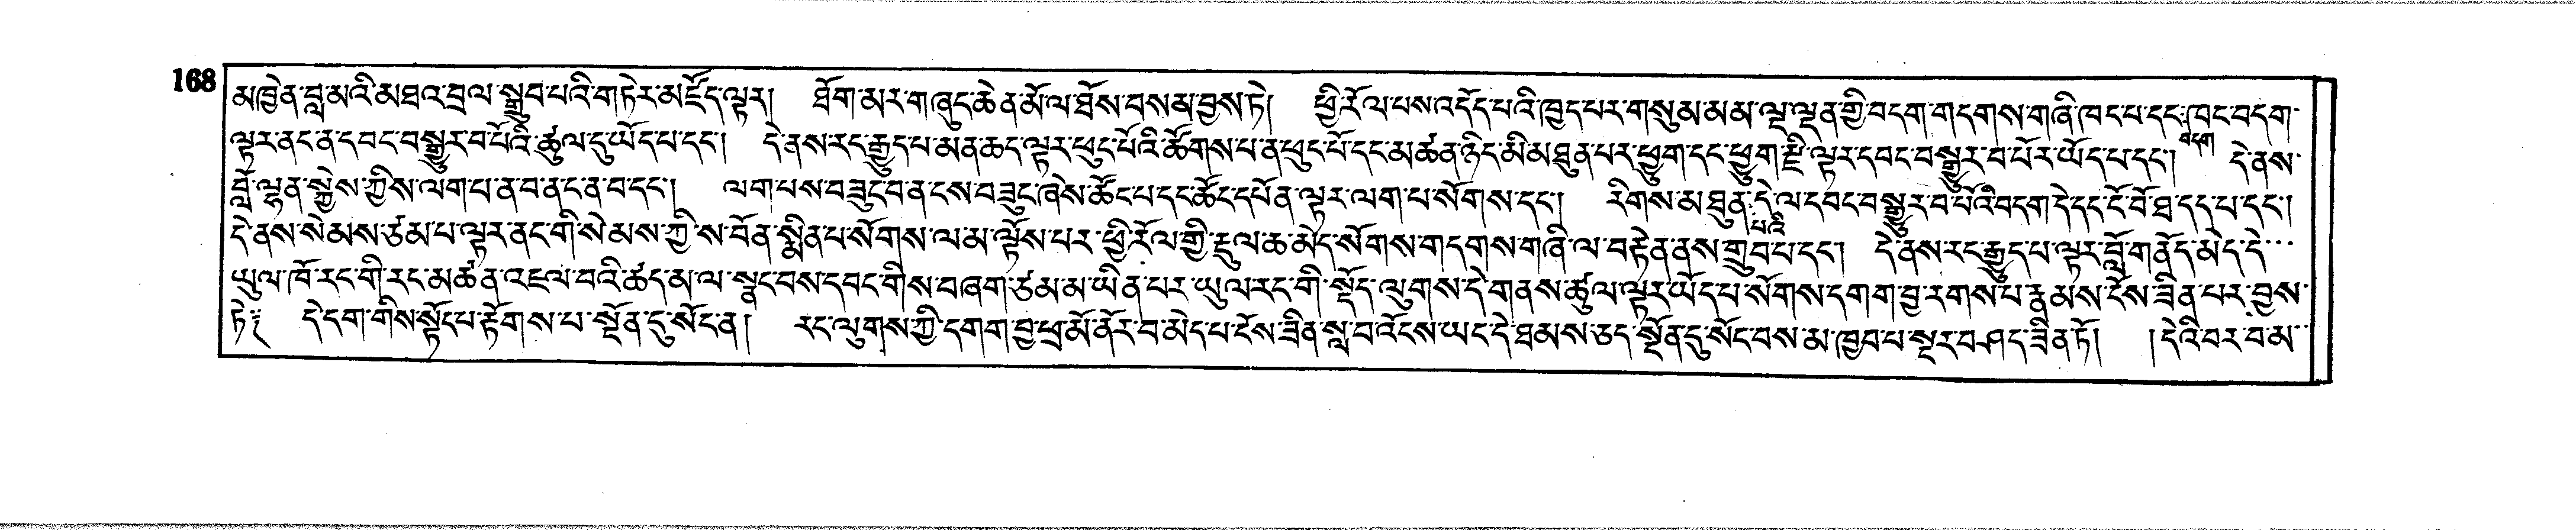མཁྱེན་བླ་མའི་མཐའ་བྲལ་སྒྲུབ་པའི་གཏེར་མཛོད་ལྟར། ཐོག་མར་གཞུང་ཆེན་མོ་ལ་ཐོས་བསམ་བྱས་ཏེ། ཕྱི་རོལ་པས་འདོད་པའི་ཁྱད་པར་གསུམ་མམ་ལྔ་ལྡན་གྱི་བདག་གདགས་གཞི་ཁང་པ་དང་བདག་ཁང་བདག་
ལྟར་ནང་ན་དབང་བསྒྱུར་བ་པོའི་ཚུལ་དུ་ཡོད་པ་དང་། དེ་ནས་རང་རྒྱུད་པ་མན་ཆད་ལྟར་ཕུང་པོའི་ཚོགས་པ་ན་ཕུང་པོ་དང་མཚན་ཉིད་མི་མཐུན་པར་ཕྱུག་དང་ཕྱུག་རྫི་ལྟར་དབང་བསྒྱུར་བ་པོར་ཡོད་པ་དང་། དེ་ནས་
བློ་ལྷན་སྐྱེས་ཀྱིས་ལག་པ་ན་བ་ན་ང་ན་བ་དང་། ལག་པས་བཟུང་བ་ན་ངས་བཟུང་ཞེས་ཚོང་པ་དང་ཚོང་དཔོན་ལྟར་ལག་པ་སོགས་དང་། རིགས་མཐུན་པའི་དེ་ལ་དབང་བསྒྱུར་བ་པོའི་བདག་དེ་དང་ངོ་བོ་ཐ་དད་པ་དང་།
དེ་ནས་སེམས་ཙམ་པ་ལྟར་ནང་གི་སེམས་ཀྱི་ས་བོན་སྨིན་པ་སོགས་ལ་མ་ལྟོས་པར་ཕྱི་རོལ་གྱི་རྡུལ་ཆ་མེད་སོགས་གདགས་གཞི་ལ་བརྟེན་ནས་གྲུབ་པ་དང་། དེ་ནས་རང་རྒྱུད་པ་ལྟར་བློ་གནོད་མེད་དེ་
ཡུལ་ཁོ་རང་གི་རང་མཚན་འཇལ་བའི་ཚད་མ་ལ་སྣང་བས་དབང་གིས་བཞག་ཙམ་མ་ཡིན་པར་ཡུལ་རང་གི་སྡོད་ལུགས་དེ་གནས་ཚུལ་ལྟར་ཡོད་པ་སོགས་དགག་བྱ་རགས་པ་རྣམས་ངོས་ཟིན་པར་བྱས་
ཏེ། དེ་དག་གིས་སྟོང་པ་རྟོགས་པ་སྔོན་དུ་སོང་ན། རང་ལུགས་ཀྱི་དགག་བྱ་ཕྲ་མོ་ནོར་བ་མེད་པ་ངོས་ཟིན་སླ་བ་འོངས་ཡང་དེ་ཐམས་ཅད་སྔོན་དུ་སོང་བས་མ་ཁྱབ་པ་སྔར་བཤད་ཟིན་ཏོ། །དེའི་བར་བ་མ་